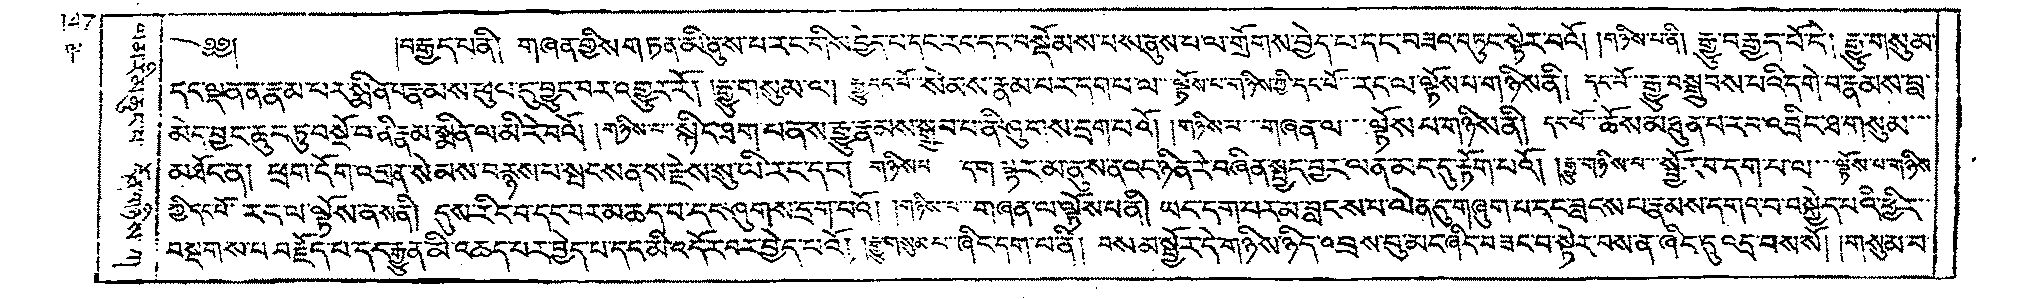༄༅། །བརྒྱད་པ་ནི། གཞན་གྱིས་གཏན་མི་ནུས་པ་རང་གིས་བྱེད་པ་དང་རང་དང་བསྡོམས་པས་ནུས་པ་ལ་གྲོགས་བྱེད་པ་དང་བཟའ་བཏུང་སྟེར་བའོ། ། གཉིས་པ་ནི། རྒྱུ་བརྒྱད་པོ་དེ། རྒྱུ་གསུམ་
དང་ལྡན་ན་རྣམ་པར་སྨིན་པ་རྣམས་ཕུལ་དུ་བྱུང་བར་འགྱུར་རོ། །རྒྱུ་གསུམ་ལ། རྒྱུ་དང་པོསེམས་རྣམ་པར་དག་པ་ལལྟོས་པ་གཉིས་ཀྱི་དང་པོརང་ལ་ལྟོས་པ་གཉིས་ནི། དང་པོ་རྒྱུ་བསྒྲུབས་པའི་དགེ་བ་རྣམས་བླ་
མེད་བྱང་ཆུབ་ཏུ་བསྔོ་བ་ནི་རྣམ་སྨིན་ལ་མི་རེ་བའོ། ། གཉིས་པ་སྙིང་ཐག་པ་ནས་རྒྱུ་རྣམས་སྒྲུབ་པ་ནི་ཤུགས་དྲག་པའོ། ། གཉིས་པ་གཞན་ལལྟོས་པ་གཉིས་ནི། དང་པོ་ཆོས་མཐུན་པ་རབ་འབྲིང་ཐ་གསུམ་
མཐོང་ན། ཕྲག་དོག་འགྲན་སེམས་བརྙས་པ་སྤངས་ནས་རྗེས་སུ་ཡི་རང་དང་། གཉིས་པདག་ལྟར་མ་ནུས་ནའང་ཉིན་རེ་བཞིན་སྤྱད་བྱར་ལན་མང་དུ་རྟོག་པའོ། ། རྒྱུ་གཉིས་པ་སྦྱོར་བ་དག་པ་ལལྟོས་པ་གཉིས་
ཀྱི་དང་པོ་རང་ལ་ལྟོས་ནས་ནི། དུས་རིང་བ་དང་བར་མཆད་པ་དང་ཤུགས་དྲག་པའོ། ། གཉིས་པགཞན་ལ་ལྟོས་པ་ནི། ཡང་དག་པར་མ་བླངས་པ་ལེན་དུ་གཞུག་པ་དང་བླངས་པ་རྣམས་དགའ་བ་བསྐྱེད་པའི་ཕྱིར་
བསྔགས་པ་བརྗོད་པ་དང་རྒྱུན་མི་འཆད་པར་བྱེད་པ་དང་མི་འདོར་བར་བྱེད་པའོ། ། རྒྱུ་གསུམ་པ་ཞིང་དག་པ་ནི། བསམ་སྦྱོར་དེ་གཉིས་ཉིད་འབྲས་བུ་མང་ཞིང་བཟང་བ་སྟེར་བས་ན་ཞིང་དུ་འདྲ་བས་སོ། །གསུམ་པ་